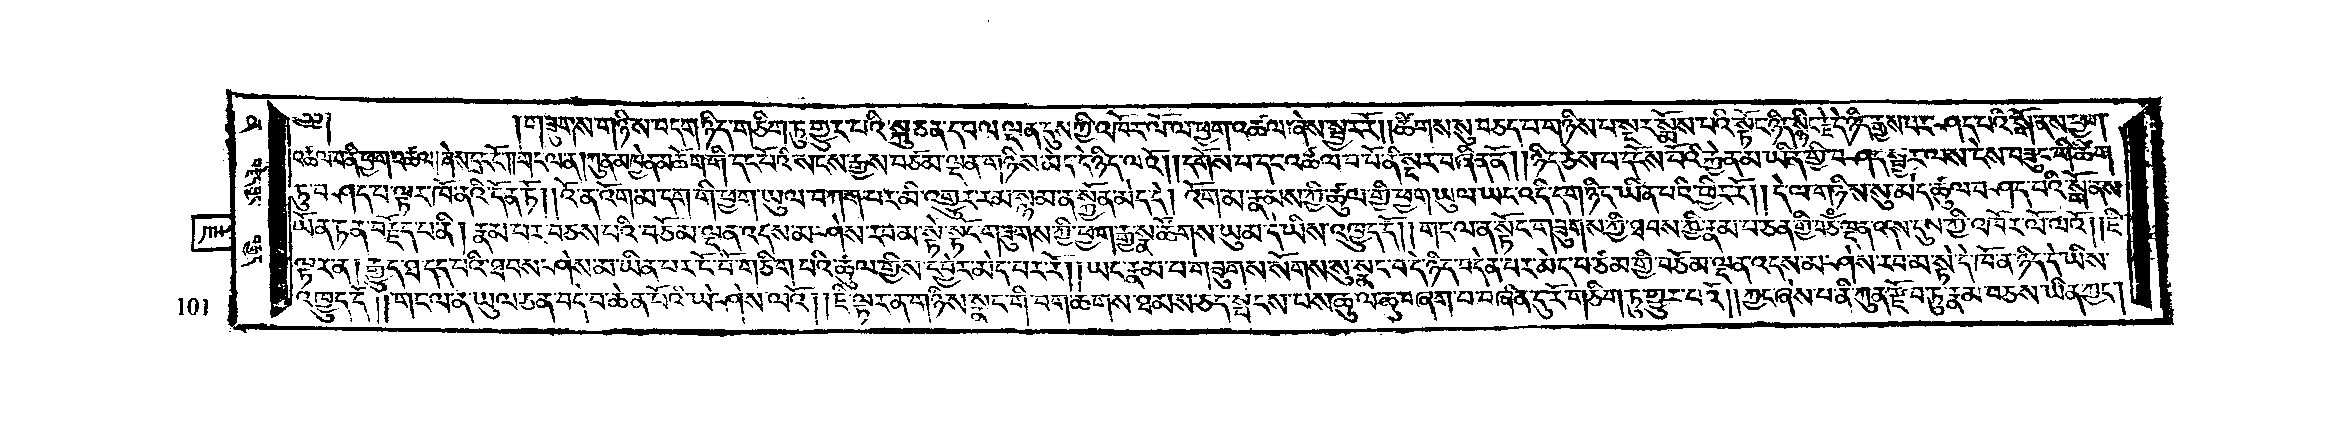༄༅། །གཟུགས་གཉིས་བདག་ཉིད་གཅིག་ཏུ་གྱུར་པའི་སྐུ་ཅན་དཔལ་ལྡན་དུས་ཀྱི་འཁོར་ལོ་ལ་ཕྱག་འཚལ་ཞེས་སྦྱར་རོ། །ཚིགས་སུ་བཅད་པ་གཉིས་པ་སྔར་སྨོས་པའི་སྟོང་ཉིད་སྙིང་རྗེ་དེ་ཉིད་རྒྱས་པར་ཤད་པའི་སྒོ་ནས་ཕྱག་
འཚལ་བ་ནི་ཕྱག་འཚལ། ཞེས་དྲང་ངོ། །གང་ལ་ན། ཀུན་མཁྱེན་མཆོག་གི་དང་པོའི་སངས་རྒྱས་བཅོམ་ལྡན་གཉིས་མེད་དེ་ཉིད་ལའོ། །དགོས་པ་དང་འཚལ་བ་པོ་ནི་སྔར་བཞིན་ནོ། །ཉིད་ཅེས་པ་དངོས་པོའི་རྐྱེན་མ་ཡིན་གྱི་བཤད་སྦྱར་ལས་ངེས་བཟུང་གི་ཚིག་
ཏུ་བཤད་པ་ལྟར་ཁོ་ནའི་དོན་ཏོ། །འོ་ན་འོག་མ་དག་གི་ཕྱག་ཡུལ་བཀག་པར་མི་འགྱུར་རམ་སྙམ་ན་སྐྱོན་མེད་དེ། འོག་མ་རྣམས་ཀྱི་ཚུལ་གྱི་ཕྱག་ཡུལ་ཡང་འདི་དག་ཉིད་ཡིན་པའི་ཕྱིར་རོ། །དེ་ལ་གཉིས་སུ་མེད་ཚུལ་བཤད་པའི་སྒོ་ནས་
ཡོན་ཏན་བརྗོད་པ་ནི། རྣམ་པར་བཅས་པའི་བཅོམ་ལྡན་འདས་མ་ཤེས་རབ་མ་སྟེ་སྟོང་གཟུགས་ཀྱི་ཕྱག་རྒྱ་སྣ་ཚོགས་ཡུམ་དེ་ཡིས་འཁྱུད་དོ། །གང་ལ་ན་སྟོང་གཟུགས་ཀྱི་ཐབས་ཀྱི་རྣམ་པ་ཅན་གྱི་བཅོམ་ལྡན་འདས་དུས་ཀྱི་འཁོར་ལོ་ལའོ། །ཇི་
ལྟར་ན། རྒྱུད་ཐ་དད་པའི་ཐབས་ཤེས་མ་ཡིན་པར་ངོ་བོ་གཅིག་པའི་ཚུལ་གྱིས་དབྱེར་མེད་པར་རོ། །ཡང་རྣམ་པ་གཟུགས་སོགས་སུ་སྣང་བ་དེ་ཉིད་བདེན་པར་མེད་པ་ཙམ་གྱི་བཅོམ་ལྡན་འདས་མ་ཤེས་རབ་མ་སྟེ་དེ་ཁོ་ན་ཉིད་དེ་ཡིས་
འཁྱུད་དོ། །གང་ལ་ན་ཡུལ་ཅན་བདེ་བ་ཆེན་པོའི་ཡེ་ཤེས་ལའོ། །ཇི་ལྟར་ན་གཉིས་སྣང་གི་བག་ཆགས་ཐམས་ཅད་སྤངས་པས་ཆུ་ལ་ཆུ་བཞག་པ་བཞིན་དུ་རོ་གཅིག་ཏུ་གྱུར་པའོ། །ཀྱང་ཞེས་པ་ནི་ཀུན་རྫོབ་ཏུ་རྣམ་བཅས་ཡིན་ཀྱང་།